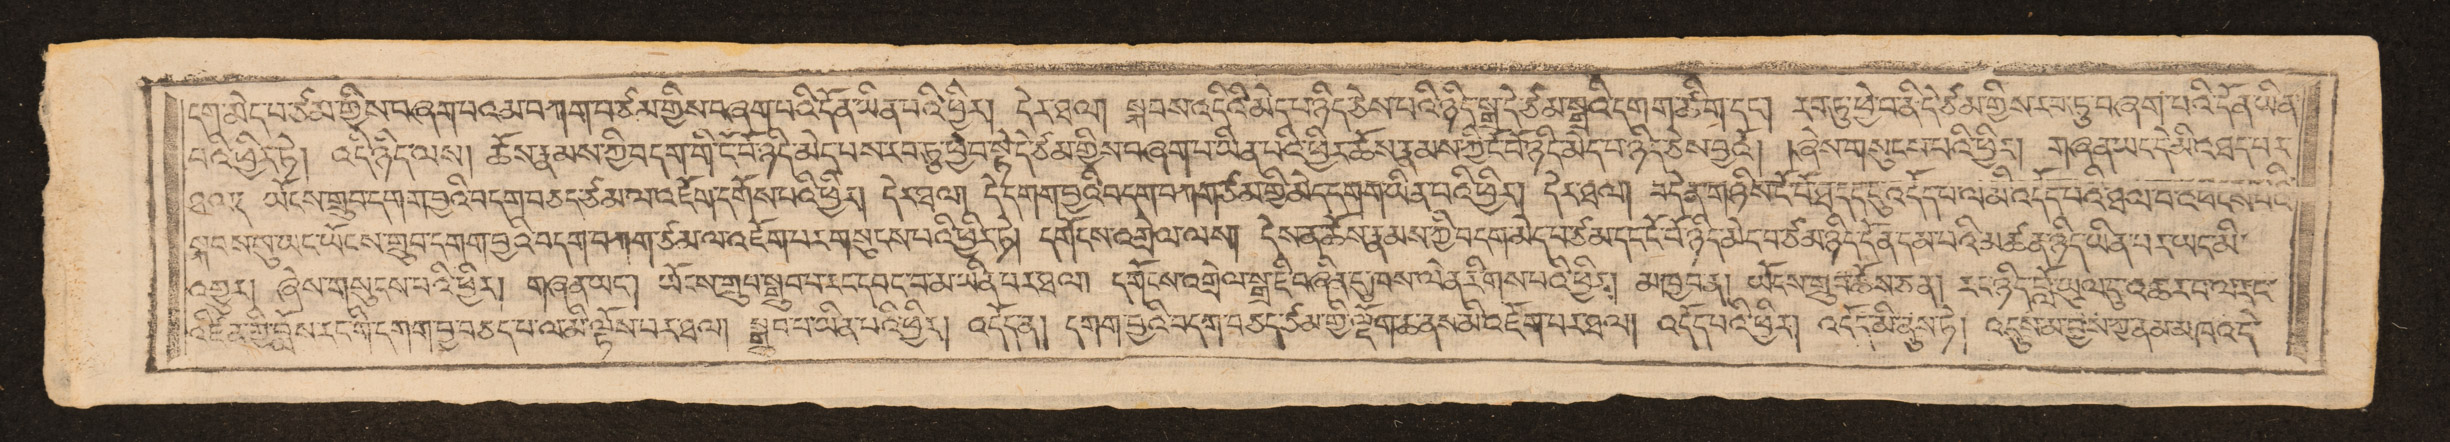དག་མེད་པ་ཙམ་གྱིས་བཞག་པའམ་བཀག་པ་ཙམ་གྱིས་བཞག་པའི་དོན་ཡིན་པའི་ཕྱིར། དེར་ཐལ། སྐབས་འདིའི་མེད་པ་ཉིད་ཅེས་པའི་ཉིད་སྒྲ་དེ་ཙམ་སྒྲའི་དགག་ཚིག་དང་། རབ་ཏུ་ཕྱེ་བ་ནི་དེ་ཙམ་གྱིས་རབ་ཏུ་བཞག་པའི་དོན་ཡིན་
པའི་ཕྱིར་ཏེ། འདི་ཉིད་ལས། ཆོས་རྣམས་ཀྱི་བདག་གི་ངོ་བོ་ཉིད་མེད་པས་རབ་ཏུ་ཕྱེ་བ་སྟེ་དེ་ཙམ་གྱིས་བཞག་པ་ཡིན་པའི་ཕྱིར་ཆོས་རྣམས་ཀྱི་ངོ་བོ་ཉིད་མེད་པ་ཉིད་ཅེས་བྱའོ། །ཞེས་གསུངས་པའི་ཕྱིར། གཞན་ཡང་དེ་མི་འཐད་པར་
ཐལ༑ ཡོངས་གྲུབ་དགག་བྱའི་བདག་བཅད་ཙམ་ལ་འཇོག་དགོས་པའི་ཕྱིར། དེར་ཐལ། དེ་དགག་བྱའི་བདག་བཀག་ཙམ་གྱི་མེད་དགག་ཡིན་པའི་ཕྱིར། དེར་ཐལ། བདེན་གཉིས་ངོ་བོ་ཐ་དད་དུ་འདོད་པ་ལ་མི་འདོད་པའི་ཐལ་བ་འཕངས་པའི་
སྐབས་སུ་ཡང་ཡོངས་གྲུབ་དགག་བྱའི་བདག་བཀག་ཙམ་ལ་འཇོག་པར་གསུངས་པའི་ཕྱིར་ཏེ། དགོངས་འགྲེལ་ལས། དེས་ན་ཆོས་རྣམས་ཀྱི་བདག་མེད་པ་ཙམ་དང་ངོ་བོ་ཉིད་མེད་པ་ཙམ་ཉིད་དོན་དམ་པའི་མཚན་ཉིད་ཡིན་པར་ཡང་མི་
འགྱུར། ཞེས་གསུངས་པའི་ཕྱིར། གཞན་ཡང་། ཡོངས་གྲུབ་སྒྲུབ་པ་རང་དབང་བ་མ་ཡིན་པར་ཐལ། དགོངས་འགྲེལ་སྒྲ་ཇི་བཞིན་དུ་ཁས་ལེན་རིགས་པའི་ཕྱིར། མ་ཁྱབ་ན། ཡོངས་གྲུབ་ཆོས་ཅན། རང་ཉིད་བློ་ཡུལ་དུ་འཆར་བ་ལ་རང་
འཛིན་གྱི་བློས་རང་གི་དགག་བྱ་བཅད་པ་ལ་མི་ལྟོས་པར་ཐལ། སྒྲུབ་པ་ཡིན་པའི་ཕྱིར། འདོད་ན། དགག་བྱའི་བདག་བཅད་ཙམ་གྱི་ལྡོག་ཆ་ནས་མི་འཇོག་པར་ཐལ། འདོད་པའི་ཕྱིར། འདོད་མི་ནུས་ཏེ། འདུས་མ་བྱས་ཀྱི་ནམ་མཁའ་དེ་